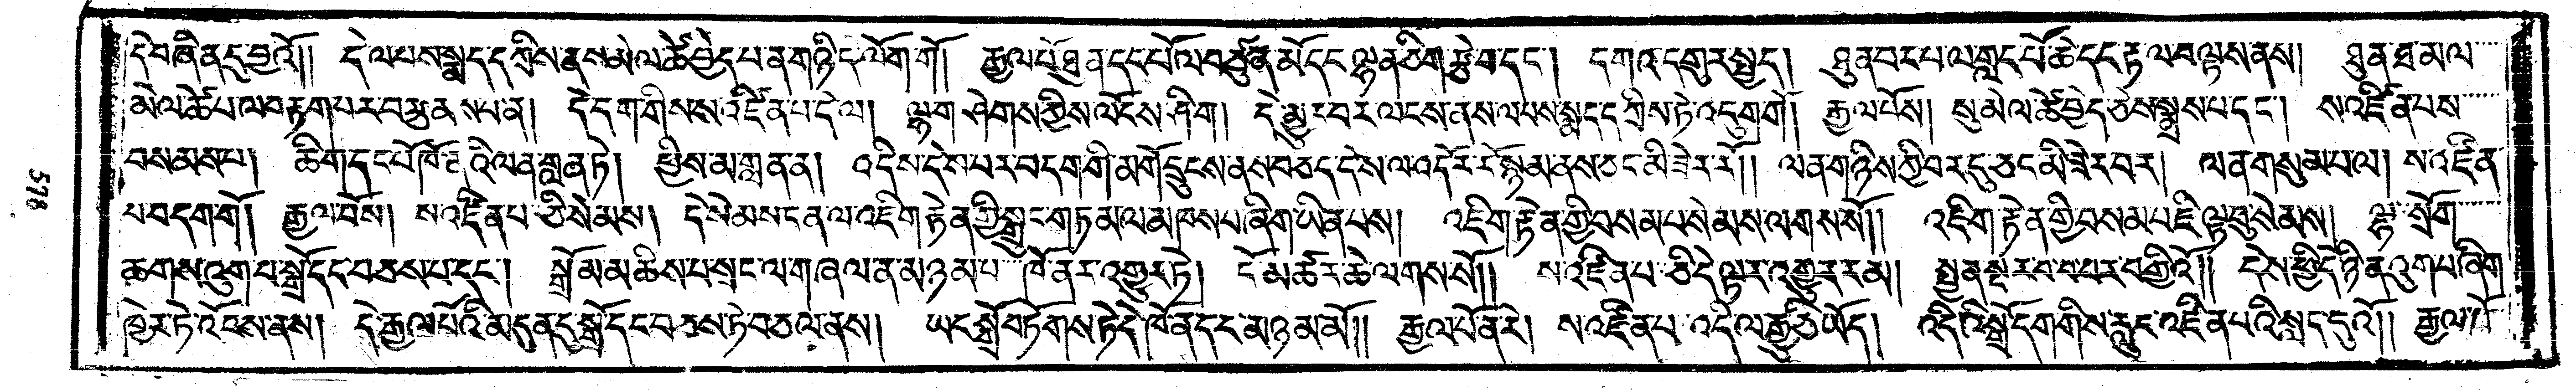དེ་བཞིན་དུ་བྱའོ།། དེ་ལ་པས་སྨད་དཀྲིས་ནས་མེལ་ཚེ་བྱེད་པ་ན་གཉིད་ལོག་གོ། རྒྱལ་པོ་ཐུན་དང་པོ་ལ་བཙུན་མོ་དང་ལྷན་ཅིག་རྩེ་བ་དང་། དགའ་དགུར་སྤྱད། ཐུན་བར་པ་ལ་གླང་པོ་ཆེ་དང་རྟ་ལ་བལྟས་ནས། ཐུན་ཐ་མལ་
མེལ་ཚེ་པ་ལ་བརྟག་པར་བརྩམས་པ་ན། དེ་དག་གིས་ས་འཛིན་པ་དེ་ལ། ལྷ་གཤེགས་ཀྱིས་ལོངས་ཤིག། དེ་མྱུར་བར་ལངས་ནས་ལ་པས་སྨད་དཀྲིས་ཏེ་འདུག་གོ། རྒྱལ་པོས། སུ་མེལ་ཚེ་བྱེད་ཅེས་སྨྲས་པ་དང་། ས་འཛིན་པས་
བསམས་པ། ཆིག་དང་པོ་ཁོ་ནའི་ལན་གླན་ཏེ། ཕྱིས་མ་གླན་ན། འདིས་དེས་པར་བདག་གི་མགོ་དྲུངས་ནས་བཅད་དེས་ལ་འདོར་རོ་སྙམ་ནས་ཅང་མི་ཟེར་རོ།། ལན་གཉིས་ཀྱི་བར་དུ་ཅང་མི་ཟེར་བར། ལན་གསུམ་པ་ལ། ས་འཛིན་
པ་བདག་གོ། རྒྱལ་པོས། ས་འཛིན་པ་ཅི་སེམས། དེ་སེམས་ངན་ལ་འཇིག་རྟེན་གྱི་སྒྲུང་གཏམ་ལ་མཁས་པ་ཞིག་ཡིན་པས། འཇིག་རྟེན་གྱི་བསམ་པ་སེམས་ལགས་སོ།། འཇིག་རྟེན་གྱི་བསམ་པ་ཇི་ལྟ་བུ་སེམས། ལྷ་སྲོག་
ཆགས་འུག་པ་སྒྲོ་དང་བཅས་པ་དང་། སྒྲོ་མ་མཆིས་པ་སྲང་ལ་གཞལ་ན་མཉམ་པ་ཁོ་ནར་འགྱུར་ཏེ། ངོ་མཚར་ཆེ་ལགས་སོ།། ས་འཛིན་པ་ཅི་དེ་ལྟར་འགྱུར་རམ། སྤྱན་སྔར་བ་བ་པར་བགྱིའོ།། དེས་ཕྱི་དེ་ཉིན་འུག་པ་ཞིག་
ཁྱེར་ཏེ་འོངས་ནས། དེ་རྒྱལ་པོའི་མདུན་དུ་སྒྲོ་དང་བཅས་ཏེ་བཅལ་ནས། ཡང་སྒྲོ་བཏོགས་ཏེ་དེ་ཁོ་ན་དང་མཉམ་མོ།། རྒྱལ་པོ་ན་རེ། ས་འཛིན་པ་འདི་ལ་རྒྱུ་ཅི་ཡོད། འདིའི་སྒྲོ་དག་གིས་རླུང་འཛིན་པའི་སླད་དུའོ། །རྒྱལ་པོ་